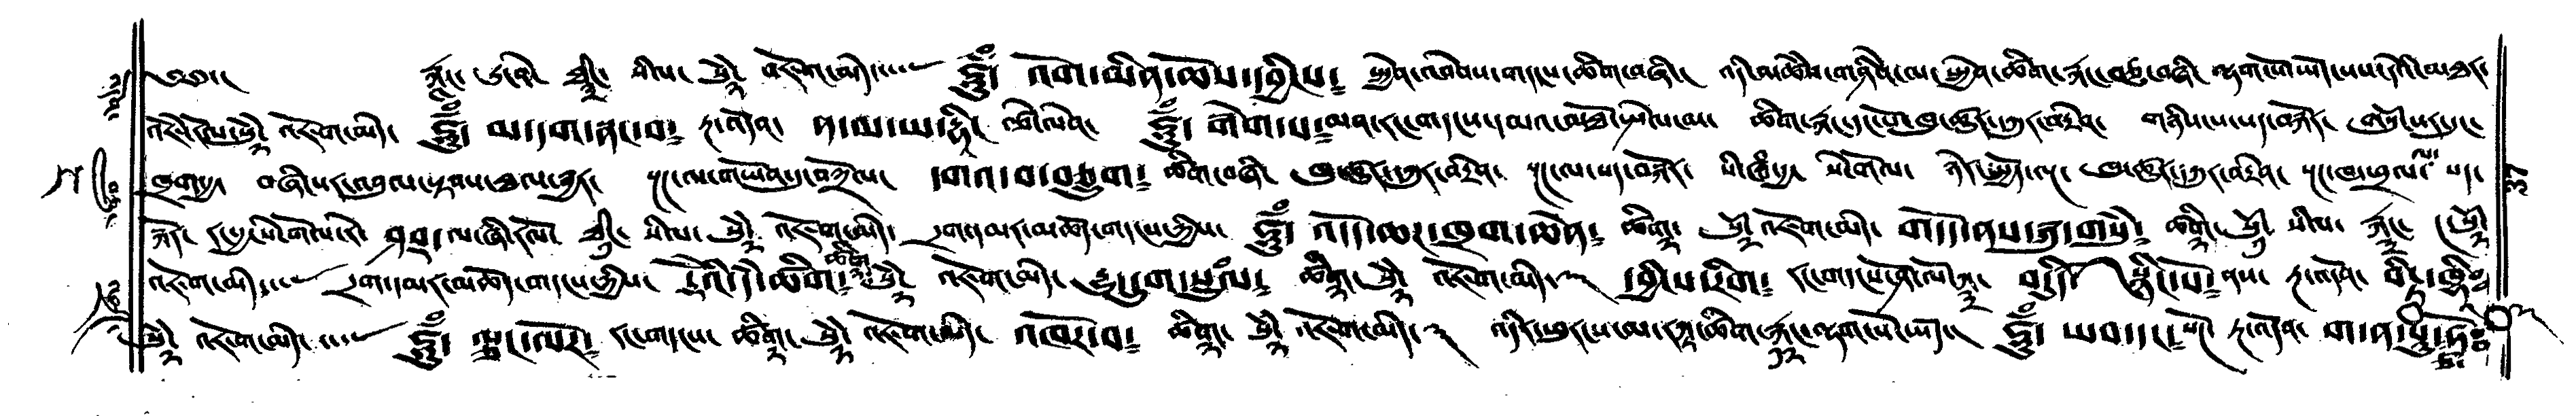རྐང་བཞི། དུང་ཆེན། ཐིང་གསུམ། སིལ། སུམ་གཉིས། འཇོག་མེད། ཧཱུྃཿ འོག་མིན་ཆོས་དབྱིངས༴ སྤྱན་འདྲེན་འབེབས་གདངས་ཚིག་བཞི། འདི་མཚམས་གཤིན་རྗེ་ལ་སྤྱན་འདྲེན་ཚིག་རྐང་བཅུ་བཞི། ལྷག་པོ་ཡོད་པས་དེའི་མཐར་
འཇམ་རོལ་སུམ་གཉིས། འཇོག་མེད། ཧཱུྃཿ མ་དག་སྣང་བ༴ རྔ་འདོན། ན་མ་ཡ་དྷཱིཿ རྩེ་ལེན། ཧཱུྃཿ སྒེག་པ༴ མན་རང་གདངས་དམའ་མཐོ་སྤེལ་མ། ཚིག་རྐང་དང་པོར་ཁུ་ཚུར་དཀུར་བརྟེན། གཉིས་པར་པད་སྐོར། གསུམ་པར་དུང་
ཁྲག་རྒྱ། བཞི་པར་འབུལ་སྟབས་ཐལ་སྦྱར། སྔགས་ལ་གཡོན་དུ་དཀྲོལ། དགའ་བ་བཅུ་དྲུག༴ ཚིག་བཞི། ཁུ་ཚུར་དཀུར་བརྟེན། སྔགས་ལ་པད་བསྐོར། པི་ཝཾ་རྒྱ། སེ་གོལ། ཉེར་སྤྱོད་ལྔ། ཁུ་ཚུར་དཀུར་བརྟེན། སྔགས་ཁ་ཕྲལ་ལ་པད་
སྐོར། རང་རྒྱ་སེ་གོལ་རེ། ཤབྡ་ལ་ཞི་རོལ། ཐིང་གཅིག སིལ། སུམ་གཉིས། འཇོག་མེད། དྲག་དམར་མཆོད་གདངས་ཀྱིས། ཧཱུྃཿ འདོད་ཆགས་ཁྲག་ཆེན༴ ཚིག་གཉིས། སུམ་གཉིས། འཇོག་མེད། གདོད་ནས་སྐུ་གསུམ༴ ཚིག་གཉིས། སུམ་གཅིག སིལ། རྐང་ གསུམ། 
འཇོག་མེད་པ། དྲག་དམར་མཆོད་གདངས་ཀྱིས། རྡོ་རྗེའི་དམ་ཚིག༴ ཚིག་གཉིས། སུམ་གཉིས། འཇོག་མེད། རྒྱུད་དྲུག་སྡུག་བསྔལ༴ ཚིག་གཉིས། སུམ་གཉིས། འཇོག་མེད། དབྱིངས་རིག༴ རང་གདངས་ཤོ་ལོ་ཀ་གསུམ། བདུད་རྩི། སྙིང་པོ༴ ནས། རྔ་འདོན། བིངྟ་ཁ་ཧཱིཿ 
སུམ་གཉིས། འཇོག་མེད། ཧཱུྃ། ལྕགས་ལོར༴ རང་གདངས། ཚིག་གཉིས། སུམ་གཉིས། འཇོག་མེད། འཁོར་བ༴ ཚིག་གཉིས། སུམ་གཉིས། འཇོག་མེད། འདིར་ཕུར་པ་ལ་རཀྟ་ཚིག་རྐང་བཅུ་གཉིས་ལྷག་པོ་ཡོད། ཧཱུྃ། ཡབ་དང༴ སོགས། རྔ་འདོན། ག་ན་པཱུ་ཙ་ཧོཿ